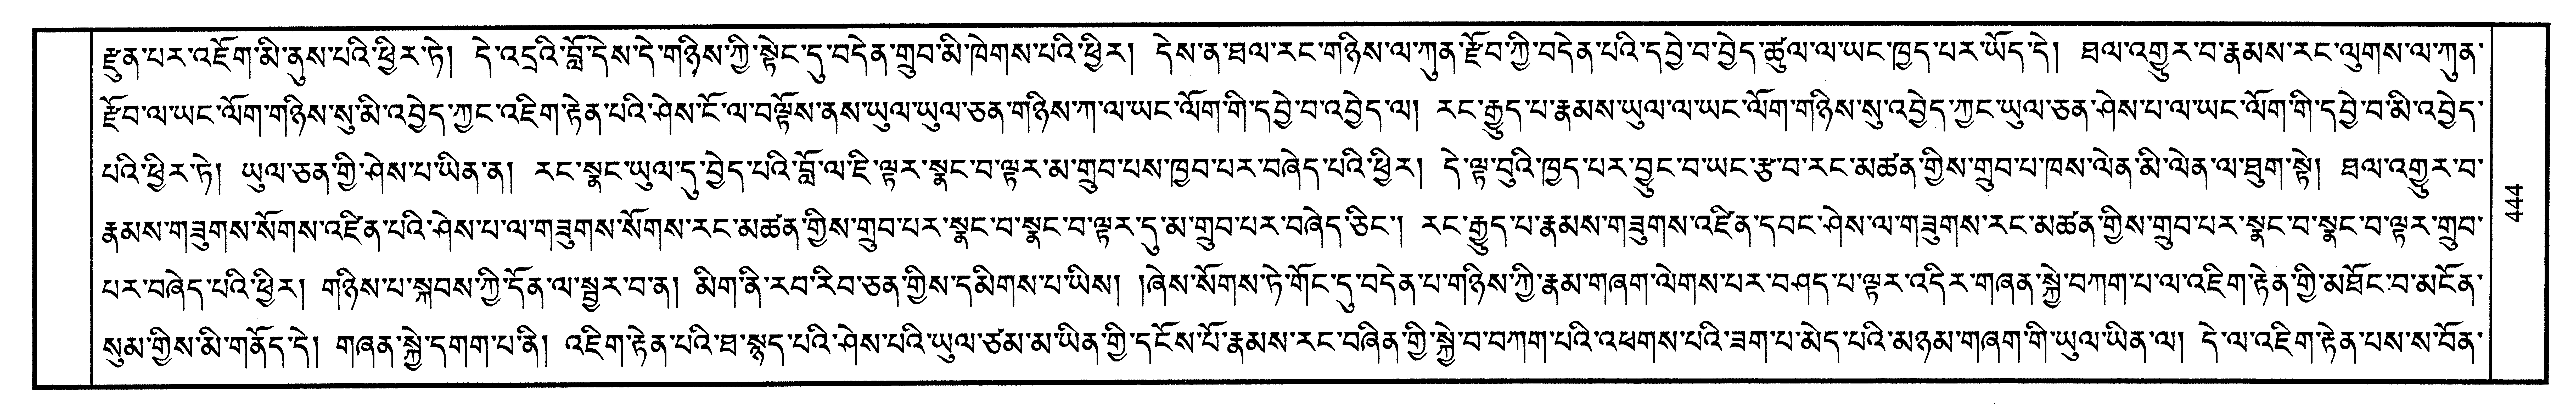རྫུན་པར་འཇོག་མི་ནུས་པའི་ཕྱིར་ཏེ། དེ་འདྲའི་བློ་དེས་དེ་གཉིས་ཀྱི་སྟེང་དུ་བདེན་གྲུབ་མི་ཁེགས་པའི་ཕྱིར། དེས་ན་ཐལ་རང་གཉིས་ལ་ཀུན་རྫོབ་ཀྱི་བདེན་པའི་དབྱེ་བ་བྱེད་ཚུལ་ལ་ཡང་ཁྱད་པར་ཡོད་དེ། ཐལ་འགྱུར་བ་རྣམས་རང་ལུགས་ལ་ཀུན་
རྫོབ་ལ་ཡང་ལོག་གཉིས་སུ་མི་འབྱེད་ཀྱང་འཇིག་རྟེན་པའི་ཤེས་ངོ་ལ་བལྟོས་ནས་ཡུལ་ཡུལ་ཅན་གཉིས་ཀ་ལ་ཡང་ལོག་གི་དབྱེ་བ་འབྱེད་ལ། རང་རྒྱུད་པ་རྣམས་ཡུལ་ལ་ཡང་ལོག་གཉིས་སུ་འབྱེད་ཀྱང་ཡུལ་ཅན་ཤེས་པ་ལ་ཡང་ལོག་གི་དབྱེ་བ་མི་འབྱེད་
པའི་ཕྱིར་ཏེ། ཡུལ་ཅན་གྱི་ཤེས་པ་ཡིན་ན། རང་སྣང་ཡུལ་དུ་བྱེད་པའི་བློ་ལ་ཇི་ལྟར་སྣང་བ་ལྟར་མ་གྲུབ་པས་ཁྱབ་པར་བཞེད་པའི་ཕྱིར། དེ་ལྟ་བུའི་ཁྱད་པར་བྱུང་བ་ཡང་རྩ་བ་རང་མཚན་གྱིས་གྲུབ་པ་ཁས་ལེན་མི་ལེན་ལ་ཐུག་སྟེ། ཐལ་འགྱུར་བ་
རྣམས་གཟུགས་སོགས་འཛིན་པའི་ཤེས་པ་ལ་གཟུགས་སོགས་རང་མཚན་གྱིས་གྲུབ་པར་སྣང་བ་སྣང་བ་ལྟར་དུ་མ་གྲུབ་པར་བཞེད་ཅིང་། རང་རྒྱུད་པ་རྣམས་གཟུགས་འཛིན་དབང་ཤེས་ལ་གཟུགས་རང་མཚན་གྱིས་གྲུབ་པར་སྣང་བ་སྣང་བ་ལྟར་གྲུབ་
པར་བཞེད་པའི་ཕྱིར། གཉིས་པ་སྐབས་ཀྱི་དོན་ལ་སྦྱར་བ་ན། མིག་ནི་རབ་རིབ་ཅན་གྱིས་དམིགས་པ་ཡིས། །ཞེས་སོགས་ཏེ་གོང་དུ་བདེན་པ་གཉིས་ཀྱི་རྣམ་གཞག་ལེགས་པར་བཤད་པ་ལྟར་འདིར་གཞན་སྐྱེ་བཀག་པ་ལ་འཇིག་རྟེན་གྱི་མཐོང་བ་མངོན་
སུམ་གྱིས་མི་གནོད་དེ། །གཞན་སྐྱེ་དགག་པ་ནི། འཇིག་རྟེན་པའི་ཐ་སྙད་པའི་ཤེས་པའི་ཡུལ་ཙམ་མ་ཡིན་གྱི་དངོས་པོ་རྣམས་རང་བཞིན་གྱི་སྐྱེ་བ་བཀག་པའི་འཕགས་པའི་ཟག་པ་མེད་པའི་མཉམ་གཞག་གི་ཡུལ་ཡིན་ལ། དེ་ལ་འཇིག་རྟེན་པས་ས་བོན་